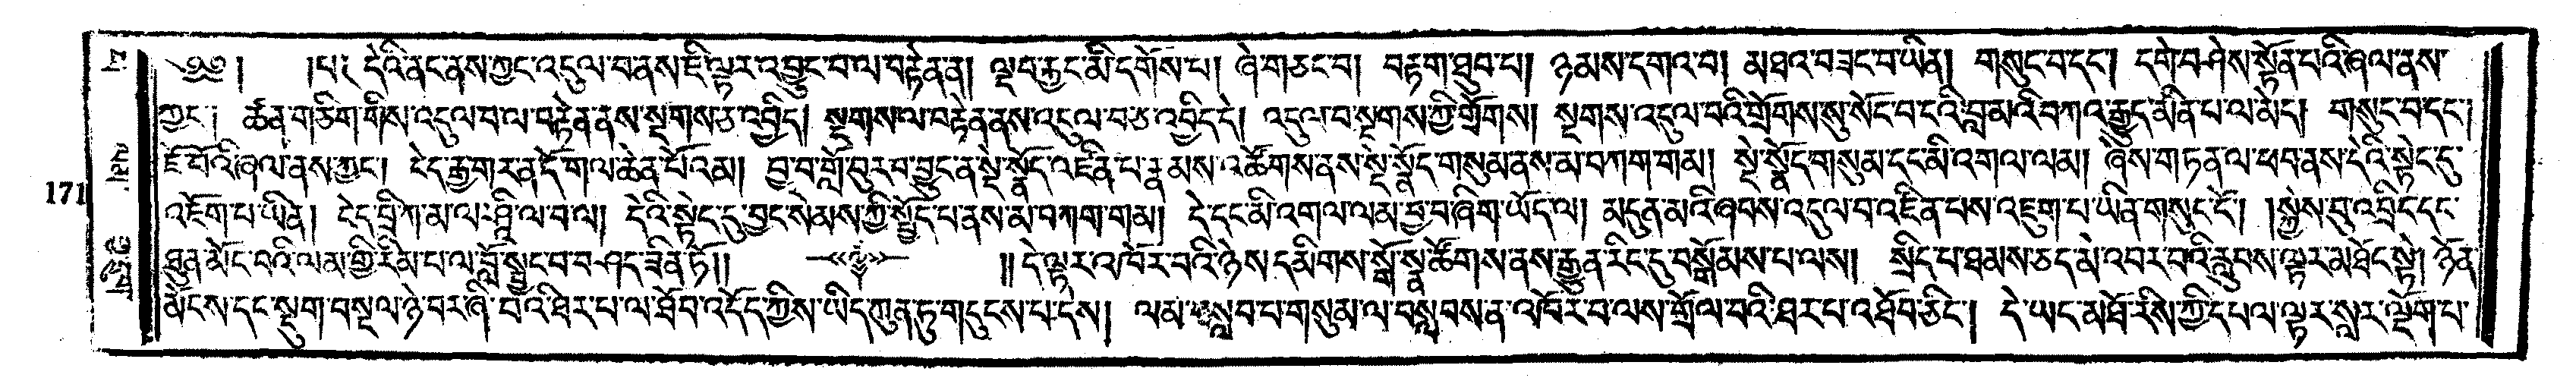༄༅། །པ༑ དེའི་ནང་ནས་ཀྱང་འདུལ་བ་ནས་ཇི་ལྟར་འབྱུང་བ་ལ་བརྟེན་ན། ལྔ་བ་རྐྱང་མི་དགོས་པ། ཞེ་གཅང་བ། བརྟག་ཐུབ་པ། ཉམས་དགའ་བ། མཐའ་བཟང་བ་ཡིན། གསུང་བ་དང་། དགེ་བཤེས་སྟོན་པའི་ཞལ་ནས་
ཀྱང་༑ ཚན་གཅིག་གིས་འདུལ་བ་ལ་བརྟེན་ནས་བསྔགས་ཅ་འབྱིད། སྔགས་ལ་བརྟེན་ནས་འདུལ་བ་ཅ་འབྱིད་དེ། འདུལ་བ་སྔགས་ཀྱི་གྲོགས། སྔགས་འདུལ་བའི་གྲོགས་སུ་སོང་བ་ངའི་བླ་མའི་བཀའ་རྒྱུད་མིན་པ་ལ་མེད། གསུང་བ་དང་།
ཇོ་བོའི་ཞལ་ནས་ཀྱང་། ངེད་རྒྱ་གར་ན་དོ་གལ་ཆེན་པོའམ། བྱ་བ་གློ་བུར་བ་བྱུང་ན་སྡེ་སྣོད་འཛིན་པ་རྣམས་འཚོགས་ནས་སྡེ་སྣོད་གསུམ་ནས་མ་བཀག་གམ། སྡེ་སྣོད་གསུམ་དང་མི་འགལ་ལམ། ཞེས་གཏན་ལ་ཕབ་ནས་དེའི་སྟེང་དུ་
འཇོག་པ་ཡིན། ངེད་བྲི་ཀ་མ་ལ་ཤཱི་ལ་བ་ལ། དེའི་སྟེང་དུ་བྱང་སེམས་ཀྱི་སྤྱོད་པ་ནས་མ་བཀག་གམ། དེ་དང་མི་འགལ་ལམ་བྱ་བ་ཞིག་ཡོད་ལ། མདུན་མའི་ཞབས་འདུལ་བ་འཛིན་པས་འཇུག་པ་ཡིན་གསུང་ངོ། །སྐྱེས་བུ་འབྲིང་དང་
ཐུན་མོང་བའི་ལམ་གྱི་རིམ་པ་ལ་བློ་སྦྱང་བ་བཤད་ཟིན་ཏོ།། ༺༺~༻༻་།།དེ་ལྟར་འཁོར་བའི་ཉེས་དམིགས་སྒོ་སྣ་ཚོགས་ནས་རྒྱུན་རིང་དུ་བསྒོམས་པ་ལས། སྲིད་པ་ཐམས་ཅད་མེ་འབར་བའི་རླུབས་ལྟར་མཐོང་སྟེ། ཉོན་
མོངས་དང་སྡུག་བསྔལ་ཉེ་བར་ཞི་བའི་ཐར་པ་ལ་ཐོབ་འདོད་ཀྱིས་ཡིད་ཀུན་ཏུ་གདུངས་པ་དེས། ལམ་བསླབ་པ་གསུམ་ལ་བསླབས་ན་འཁོར་བ་ལས་གྲོལ་བའི་ཐར་པ་འཐོབ་ཅིང་། དེ་ཡང་མཐོ་རིས་ཀྱི་དཔལ་ལྟར་སླར་ལྡོག་པ་